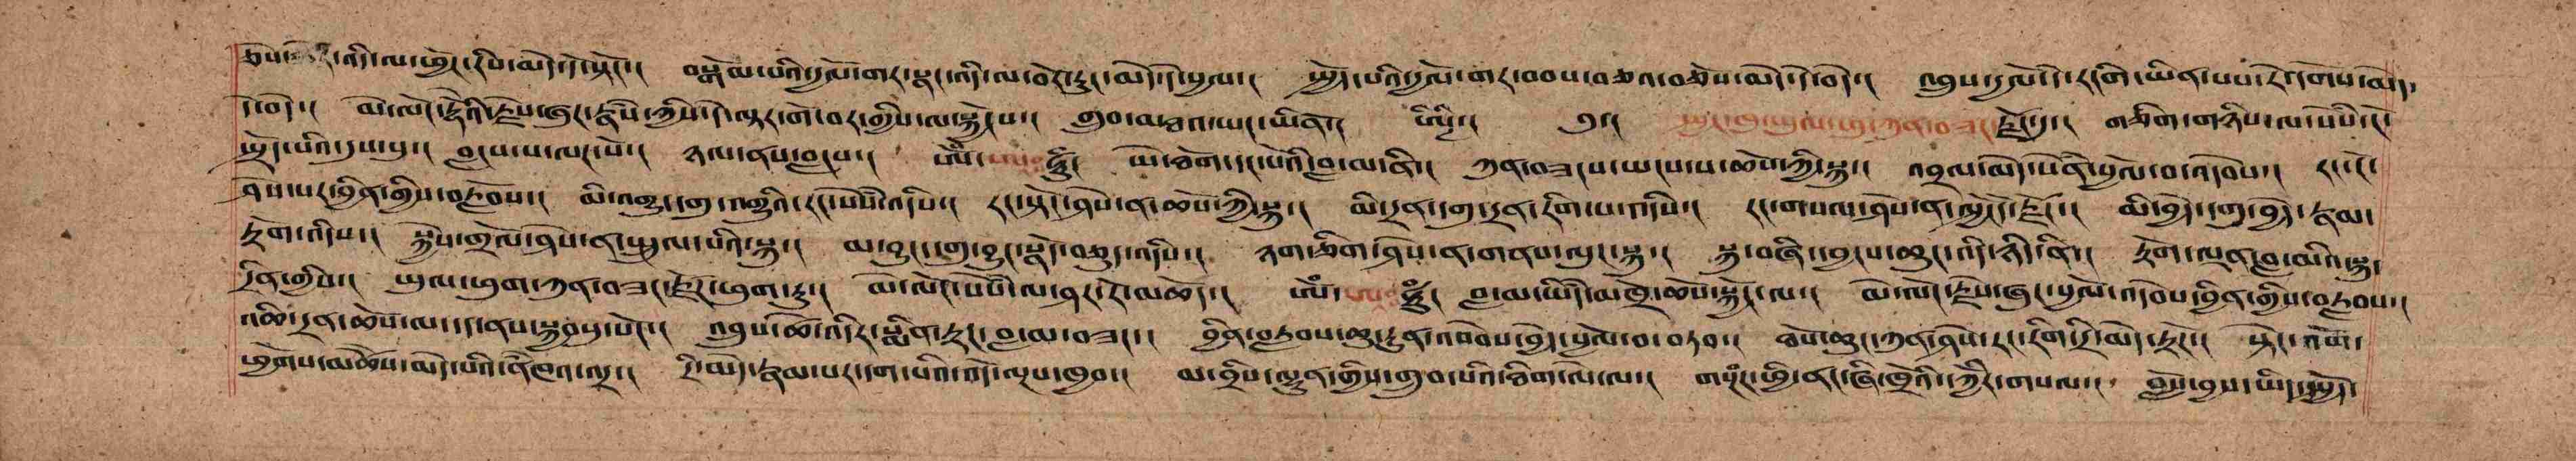ཅེས་ཟེར་འདི་ལ་ཕྱོགས་རིས་མེད་དོ་སྟོང་།། བསྒོམ་པའི་རྒྱལ་པོ་གར་སྣང་འདི་ལ་བོར་རུང་མེད་དེ་གསལ།། སྤྱོད་པའི་རྒྱལ་པོ་གར་བབས་བཅས་བཅོས་མེད་དེ་བདེ།། འབྲས་བུ་རྒྱལ་པོ་དེ་རང་རིག་ཡིན་པས་རེ་དོགས་མེད་
དེ་བདེ།། མེ་ལོང་རྡོ་རྗེའི་རྗེས་ཞུགས་རྣམས་ཀྱིས་དེ་ལྟར་གོ་བར་གྱིས་ལ་སྐྱོངས།། གྲུབ་མཐའ་ཡང་ཡིན་ནོ།། ཨིཊི།། ༄་། སྤྱང་ཁུ་ཡུལ་ཕུ་ཀུན་བཟང་རྫོང་དུ།། གཅིག་གཉིས་ལ་སེམས་ངོ་
སྤྲོད་པའི་དུས་སུ།། བླངས་པ་ལགས་སོ།། ཉལ་ནས་བླངས། ཨོཾ་ཨཱཿཧཱུཾ། ཡེ་ཐོག་དང་པོའི་བླ་མ་ནི།། ཀུན་བཟང་ཡངས་པ་ཆོས་ཀྱི་སྐུ།། འབྲལ་མེད་སེམས་ཅན་གསོལ་བ་འདེབས།། རང་ངོ་
ཤེས་པར་བྱིན་གྱིས་རློབས།། མི་འགྱུ་དགུ་འགྱུའི་རང་སེམས་འདིས།། རང་སྟོང་ཤེས་ན་ཆོས་ཀྱི་སྐུ།། མི་དྲན་དགུ་དྲན་རིག་པ་འདིས།། རང་གསལ་ཤེས་ན་ལོངས་སྤྱོད་རྫོགས།། མི་བྱེད་དགུ་བྱེད་རྣམ་
རྟོག་འདིས།། སྐྱེས་གྲོལ་ཤེས་ན་སྤྲུལ་པའི་སྐུ།། མ་བྱུང་དགུ་བྱུང་སྣོད་བཅུད་འདིས།། ཉག་ཅིག་ཤེས་ན་གནས་ལུགས་སྐུ།། སྐུ་བཞི་དབྱངས་ཆུང་འདི་ཉིད་ནི།། རྟོགས་ལྡན་བླ་མའི་སྐུ་
དྲིན་གྱིས།། ཡུལ་ཕུག་ཀུན་བཟང་རྫོང་ཕུག་ཏུ།། མེ་ལོང་སེམས་ལ་ཤར་རོ་མཆོད།། ཨོཾ་ཨཱཿཧཱུཾ།། བླ་མ་ཡིད་དམ་མཁའ་འགྲོ་ཆོས་སྐྱོང་ལ།། མེ་ལོང་རྗེས་ཞུགས་གསོལ་འདེབས་བྱིན་གྱིས་བརླབས།། 
འཆི་དྲན་ཆོས་ལ་དད་ནས་སྐྱབས་སུ་སོང་།། འབྲས་བུ་ཚེ་འདིར་སྨིན་རྟགས་བླ་མ་བཟང་།། བྱིན་རླབས་ཆུ་རྒྱུན་འབེབས་བྱེད་གསོལ་བ་བཏབ།། ཐོས་ཆུང་ཀུན་ཤེས་རང་རིག་དྲི་མེད་རྟོགས།། སྟེང་འོག་
ཕྱོགས་མཚམས་མེད་པའི་ནམ་མཁའ་འདྲ།། དྲི་མེད་རྣམ་པར་དག་པའི་འོད་ལྔས་ཁྱབ།། མ་བྲིས་ལྷུན་གྱིས་གྲུབ་པའི་ཐིག་ལེ་ལ།། གསང་སྔགས་ཕྱི་ནང་ཞི་ཁྲོའི་དཀྱིལ་འཁོར་གསལ།། བློས་བྱས་ཡོད་སྤྱོད་